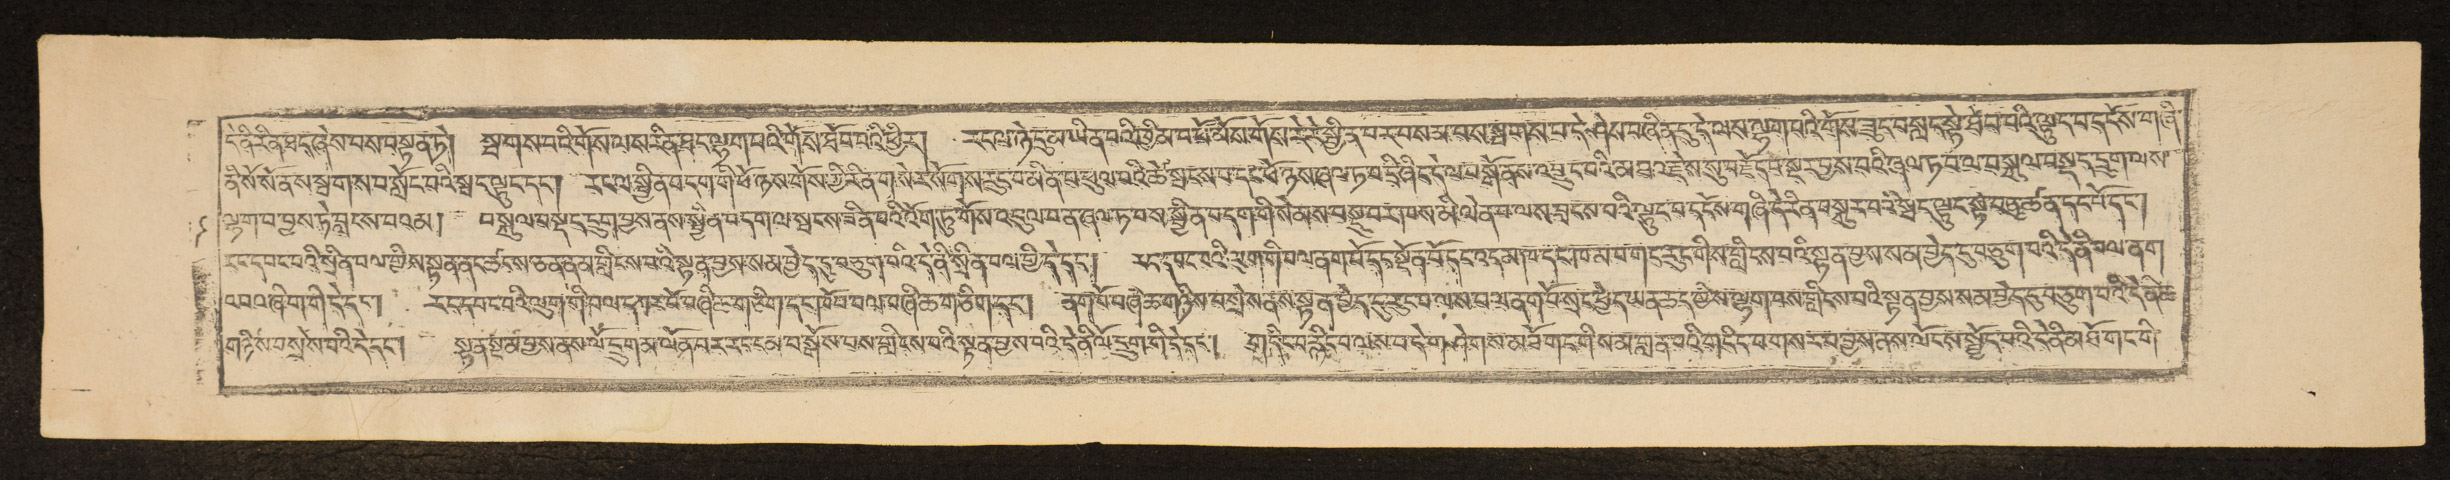དེ་ནི་རིན་ཐང་ཞེས་པས་བསྟན་ཏེ། སྤགས་པའི་གོས་ལས་རིན་ཐང་ལྷག་པའི་གོས་ཐོབ་པའི་ཕྱིར། རང་ལ་ཉེ་དུ་མ་ཡིན་པའི་ཁྱིམ་པ་ཕོ་མོས་གོས་རེ་རེ་སྦྱིན་པར་བསམ་པས་སྦགས་པ་དེ་ཤེས་བཞིན་དུ་དེ་ལས་ལྷག་པའི་གོས་ཟུང་བསླད་སྟེ་ཐོབ་པའི་ལྟུང་བ་དངོས་གཞི་
ནི་སོ་སོ་ནས་སྦགས་བ་སློང་བའི་སྤང་ལྟུང་དང་། རང་ལ་སྦྱིན་བདག་གི་ཕོ་ཉས་གོས་ཀྱི་རིན་གསེར་སོགས་རུང་བ་མིན་བ་ཕུལ་བའི་ཚེ་སྤངས་པ་དང་ཕོ་ཉས་ཞལ་ཏ་བ་དྲི་ཞིང་དེ་ལ་བསྒོ་ནས་འབྱུང་བའི་མཐའ་རྗེས་སུ་བརྗོད་པ་སྔར་བྱས་པའི་ཞལ་ཏ་བ་ལ་བསྐུལ་བསྡད་དྲུག་ལས་
ལྷག་པ་བྱས་ཏེ་བླངས་པའམ། བསྐུལ་བསྡད་དྲུག་བྱས་ནས་སྦྱིན་བདག་ལ་སྤངས་ཟིན་པའི་འོག་ཏུ་གོས་འབུལ་བ་ན་ཞལ་ཏ་བས་སྦྱིན་བདག་གི་སེམས་བསྡུ་བར་ཁས་མི་ལེན་པ་ལས་བླངས་པའི་ལྟུང་བ་དངོས་གཞི་དེ་རིན་བསྐུར་བའི་སྦང་ལྟུང་སྟེ་བཅུ་ཚན་དང་པོ་དང་།
རང་དབང་པའི་སྲིན་པ་ལ་གྱིས་སྟན་ནང་ཚངས་ཅན་ནམ་གླིངས་པའི་སྟན་བྱས་སམ་བྱེད་དུ་བཅུག་པའི་དེ་ནི་སྲིན་བལ་གྱི་དེ་དང་། རང་དབང་པའི་ལུག་གི་བལ་ནག་བོ་དང་སྔོན་པོ་དང་འདམ་ཁ་དང་ཁམ་པ་གང་རུང་གིས་གླིངས་པའི་སྟན་བྱས་སམ་བྱེད་དུ་བཅུག་པའི་དེ་ནི་བལ་ནག་
འབའ་ཞིག་གི་དེ་དང་། རང་དབང་བའི་ལུག་གི་བལ་དཀར་པོ་བཞི་ཆ་གཅིག་དང་ཁོབ་བལ་བཞི་ཆ་གཅིག་དང་། ནག་བོ་བཞི་ཆ་གཉིས་བསྲེས་ནས་སྟན་བྱེད་དུ་རུང་བ་ལས་བལ་ནག་བོ་སྲང་ཕྱེད་ཡན་ཆད་ཀྱིས་ལྷག་བས་གླིངས་པའི་སྟན་བྱས་སམ་བྱེད་དུ་བཅུག་པའི་དེ་ནི་ཆ་
གཉིས་བསྲེས་བའི་དེ་དང་། སྟན་སྔ་མ་བྱས་ནས་ལོ་དྲུག་མ་ལོན་བར་རང་ངམ་བསྒོས་བས་གླིངས་པའི་སྟན་བྱས་བའི་དེ་ནི་ལོ་དྲུག་གི་དེ་དང་། གདིང་བརྙིང་བ་ལས་བདེ་གཤེགས་མཐོ་གང་གིས་མ་གླན་བའི་གདིང་བ་གསར་བ་བྱས་ནས་ལོངས་སྤྱོད་པའི་དེ་ནི་མཐོ་གང་གི་